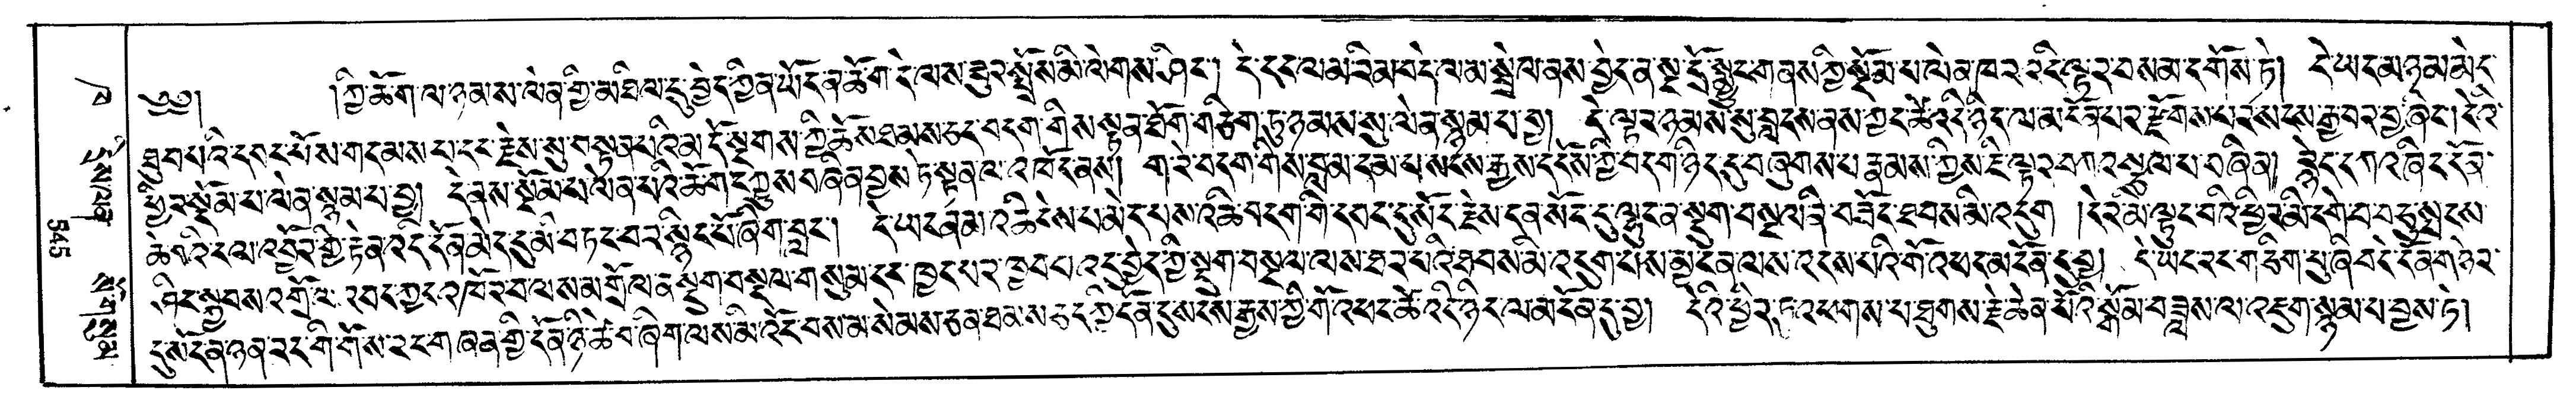༄༅། །ཀྱི་ཆོ་ག་ལ་ཉམས་ལེན་གྱི་མཐིལ་དུ་བྱེད་ཀྱིན་ཡོང་ན་ཆོ་ག་དེ་ལས་ཟུར་སྤྲོས་མི་ལེགས་ཤིང་། དེ་དང་ལམ་རིམ་བདེ་ལམ་སྦྲེལ་ནས་བྱེད་ན་སྔ་དྲོ་སྨྱུང་གནས་ཀྱི་སྡོམ་པ་ལེན་ཁར་འདི་ལྟར་བསམ་དགོས་ཏེ། དེ་ཡང་མཉམ་མེད་
ཐུབ་པའི་དབང་པོས་གདམས་པ་དང་རྗེས་སུ་བསྟན་པའི་མདོ་སྔགས་ཀྱི་ཆོས་ཐམས་ཅད་བདག་གིས་སྟན་ཐོག་གཅིག་ཏུ་ཉམས་སུ་ལེན་སྙམ་པ་བྱ། དེ་ལྟར་ཉམས་སུ་བླངས་ནས་ཀྱང་ཚེ་འདི་ཉིད་ལ་མངོན་པར་རྫོགས་པར་སངས་རྒྱ་བར་བྱ་ཞིང་། དེའི་
ཕྱིར་སྡོམ་པ་ལེན་སྙམ་པ་བྱ། དེ་ནས་སྡོམ་པ་ལེན་པའི་ཆོ་ག་དཀྱུས་བཞིན་བྱས་ཏེ་སྟན་ལ་འཁོད་ནས། ག་རེ་བདག་གིས་བླ་མ་དམ་པ་སངས་རྒྱས་དངོས་ཀྱི་བདག་ཉིད་དུ་བཞུགས་པ་རྣམས་ཀྱིས་ཇི་ལྟར་བཀའ་སྩལ་བ་བཞིན། རྙེད་དཀའ་ཞིང་དོན་
ཆེ་བའི་དལ་འབྱོར་གྱི་རྟེན་འདི་དོན་མེད་དུ་མི་བཏང་བར་སྙིང་པོ་ཞིག་བླང་། དེ་ཡང་ནམ་འཆི་ངེས་པ་མེད་པས་འཆི་བདག་གི་དབང་དུ་སོང་རྗེས་ངན་སོང་དུ་ལྷུང་ན་སྡུག་བསྔལ་ནི་བཟོད་ཐབས་མི་འདུག །དེར་མི་ལྟུང་བའི་ཕྱིར་མི་དགེ་བ་བཅུ་སྤངས་
ཤིང་སྐྱབས་འགྲོ་ལ་འབད་ཀྱང་འཁོར་བ་ལས་མ་གྲོལ་ན་སྡུག་བསྔལ་གསུམ་དང་ཁྱད་པར་ཁྱབ་པ་འདུ་བྱེད་ཀྱི་སྡུག་བསྔལ་ལས་ཐར་པའི་ཐབས་མི་འདུག་པས་མྱ་ངན་ལས་འདས་པའི་གོ་འཕང་མངོན་དུ་བྱ། དེ་ཡང་རང་གཅིག་པུ་ཞི་བདེ་དོན་གཉེར་
དུ་སོང་ན་ཉན་རང་གི་གོས་རང་གཞན་གྱི་དོན་ཉི་ཚེ་བ་ཞིག་ལས་མི་འོང་བས་མ་སེམས་ཅན་ཐམས་ཅད་ཀྱི་དོན་དུ་སངས་རྒྱས་ཀྱི་གོ་འཕང་ཚེ་འདི་ཉིད་ལ་མངོན་དུ་བྱ། དེའི་ཕྱིར་ཏུ་འཕགས་པ་ཐུགས་རྗེ་ཆེན་པོའི་སྒོམ་བཟླས་ལ་འཇུག་སྙམ་པ་བྱས་ཏེ།